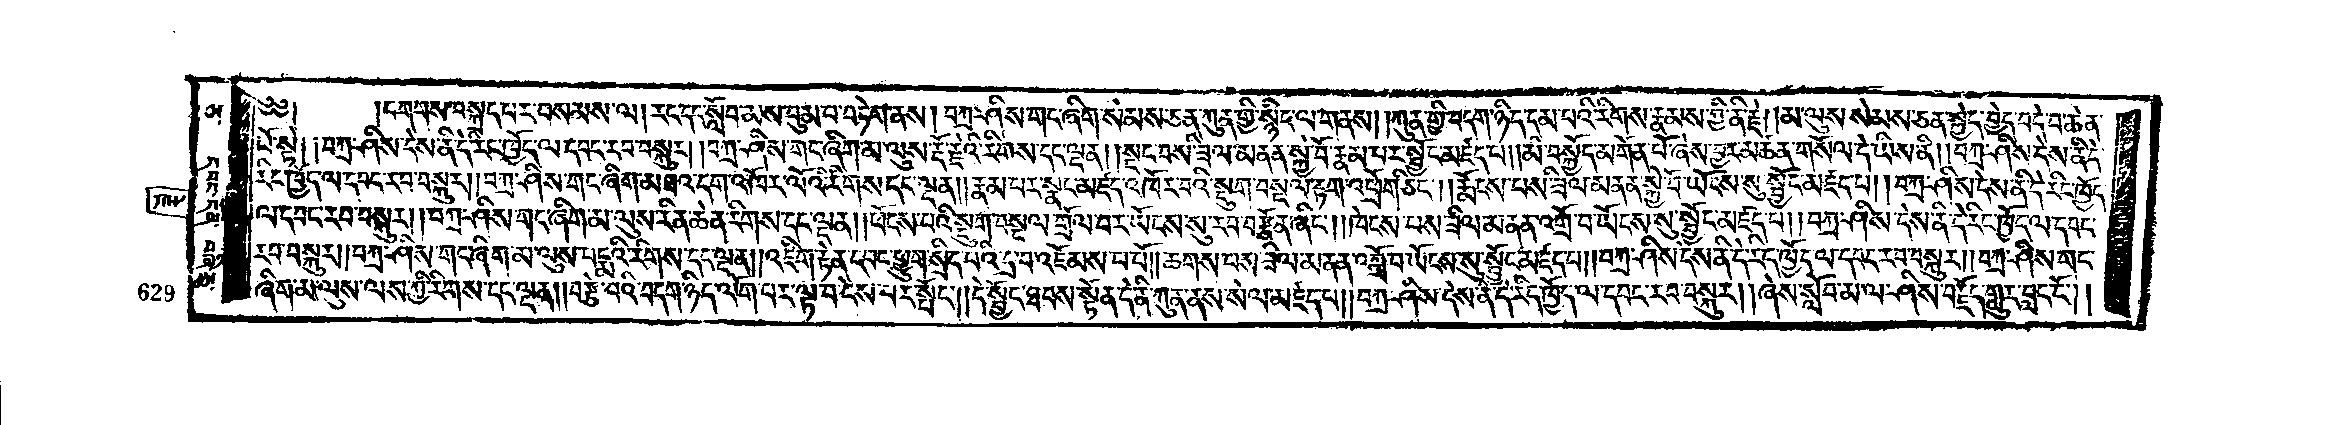༄༅། །བགེགས་བསྐྲད་པར་བསམས་ལ། རང་དང་སློབ་མས་བུམ་པ་བཏེག་ནས། བཀྲ་ཤིས་གང་ཞིག་སེམས་ཅན་ཀུན་གྱི་སྙིང་ལ་གནས། །ཀུན་གྱི་བདག་ཉིད་དམ་པའི་རིགས་རྣམས་ཀྱི་ནི་རྗེ། །མ་ལུས་སེམས་ཅན་སྐྱེད་བྱེད་བདེ་བ་ཆེན་
པོ་སྟེ། །བཀྲ་ཤིས་དེས་ནི་དེ་རིང་ཁྱོད་ལ་དབང་རབ་བསྐུར། །བཀྲ་ཤིས་གང་ཞིག་མ་ལུས་རྡོ་རྗེའི་རིགས་དང་ལྡན། །སྡང་བས་ཟིལ་མནན་སྐྱེ་བོ་རྣམ་པར་སྦྱོང་མཛད་པ། །མི་བསྐྱོད་མགོན་པོ་ཞེས་བྱ་བར་མཚན་གསོལ་དེ་ཡིས་ནི། །བཀྲ་ཤིས་དེས་ནི་དེ་
རིང་ཁྱོད་ལ་དབང་རབ་བསྐུར། །བཀྲ་ཤིས་གང་ཞིག་མཐའ་དག་འཁོར་ལོའི་རིགས་དང་ལྡན། །རྣམ་པར་སྣང་མཛད་འཁོར་བའི་སྡུག་བསྔལ་རྟག་འཕྲོག་ཅིང་། །རྨོངས་པས་ཟིལ་མནན་སྐྱེ་བོ་ཡོངས་སུ་སྦྱོང་མཛད་པ། །བཀྲ་ཤིས་དེས་ནི་དེ་རིང་ཁྱོད་
ལ་དབང་རབ་བསྐུར། །བཀྲ་ཤིས་གང་ཞིག་མ་ལུས་རིན་ཆེན་རིགས་དང་ལྡན། །ཕོངས་པའི་སྡུག་བསྔལ་གྲོལ་བར་ཡོངས་སུ་རབ་བརྩོན་ཞིང་། །ཁེངས་པས་ཟིལ་མནན་འགྲོ་བ་ཡོངས་སུ་སྦྱོང་མཛད་པ། །བཀྲ་ཤིས་དེས་ནི་དེ་རིང་ཁྱོད་ལ་དབང་
རབ་བསྐུར། །བཀྲ་ཤིས་གང་ཞིག་མ་ལུས་པདམའི་རིགས་དང་ལྡན། །འཇིག་རྟེན་དབང་ཕྱུག་སྲིད་པའི་དྲ་བ་འཇོམས་པ་པོ། །ཆགས་པས་ཟིལ་མནན་འགྲོ་བ་ཡོངས་སུ་སྦྱོང་མཛད་པ། །བཀྲ་ཤིས་དེས་ནི་དེ་རིང་ཁྱོད་ལ་དབང་རབ་བསྐུར། །བཀྲ་ཤིས་གང་
ཞིག་མ་ལུས་ལས་ཀྱི་རིགས་དང་ལྡན། །བརྩེ་བའི་བདག་ཉིད་ལོག་པར་ལྟ་བ་ངེས་པར་སྤོང་། །དེ་སྦྱོང་ཐབས་སྟོན་དེ་ནི་ཀུན་ནས་སེལ་མཛད་པ། །བཀྲ་ཤིས་དེས་ནི་དེ་རིང་ཁྱོད་ལ་དབང་རབ་བསྐུར། །ཞེས་སློབ་མ་ལ་ཤིས་བརྗོད་གླུར་བླང་ངོ། །